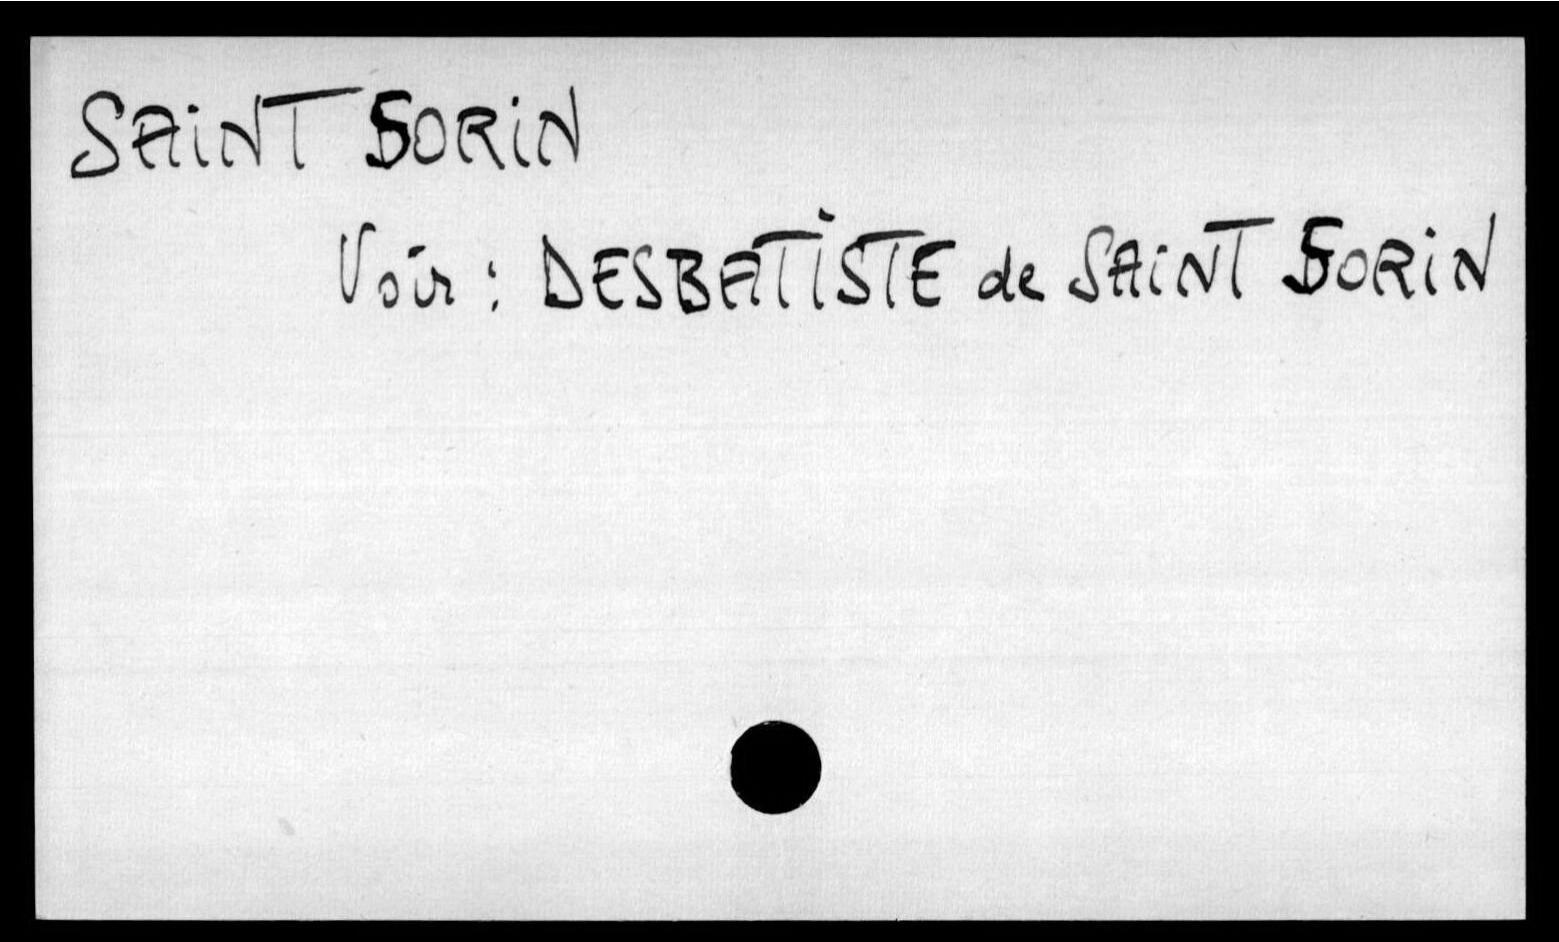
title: SAINT SORIN
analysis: Voir : DESBATISTE de SAINT-SORIN
